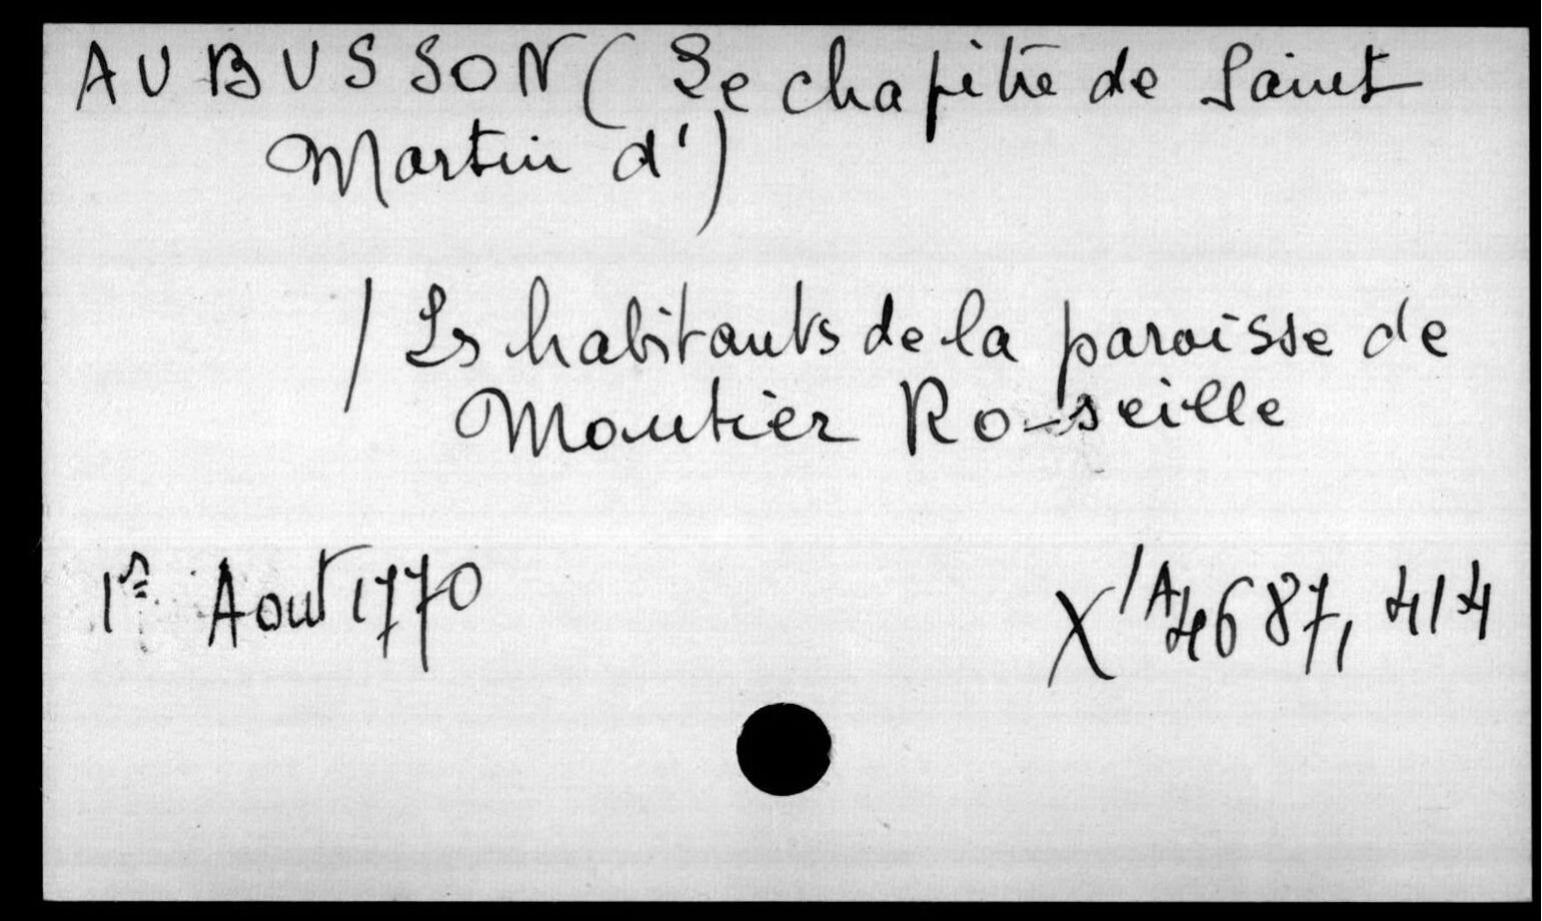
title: AUBUSSON (Le chapitre de Saint-Martin d')
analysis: Contre les habitants de la paroisse de Moutier Roseille
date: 1er août 1770
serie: X1A
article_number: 4687
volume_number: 414
